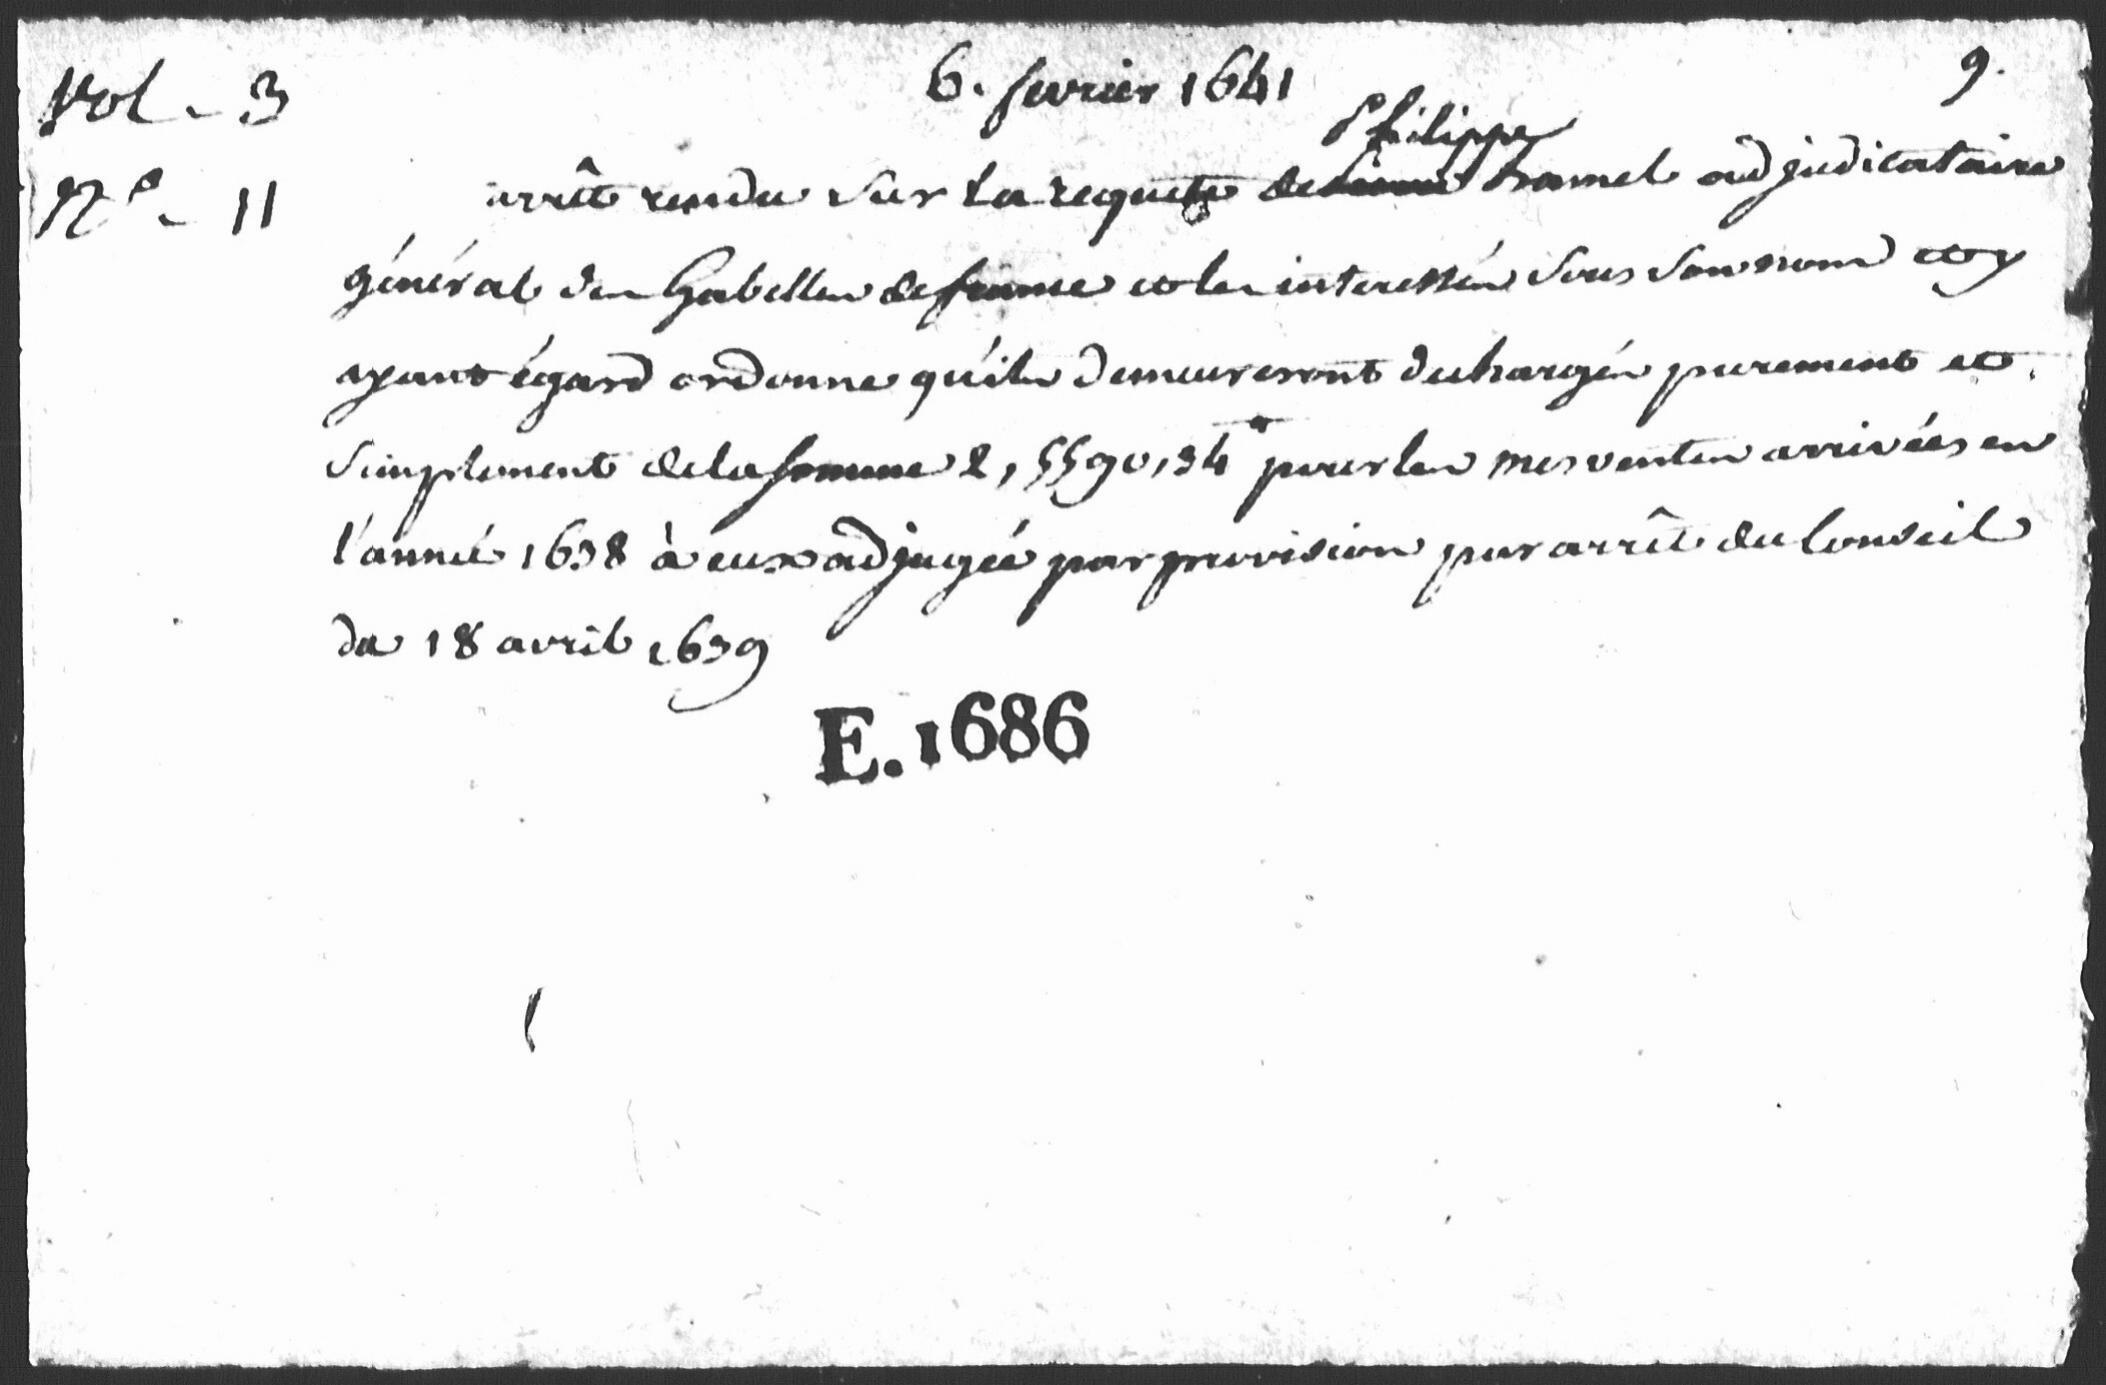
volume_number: n°11
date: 6 février 1641
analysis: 9.
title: arrêt rendu sur la requete de [Pierre : mot barré] Philippe hamel adjudicataire général des Gabelles de france et les interessés sous son nom et y ayant égard ordonne qu'ils demeureront dechargés purement et simplement de la somme 2,5590,34 # pour les mesventes arrivées en l'année 1638 à eux adjugée par provision par arrêt du Conseil du 18 avril 1639
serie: E
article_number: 1686
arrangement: vol. 3
